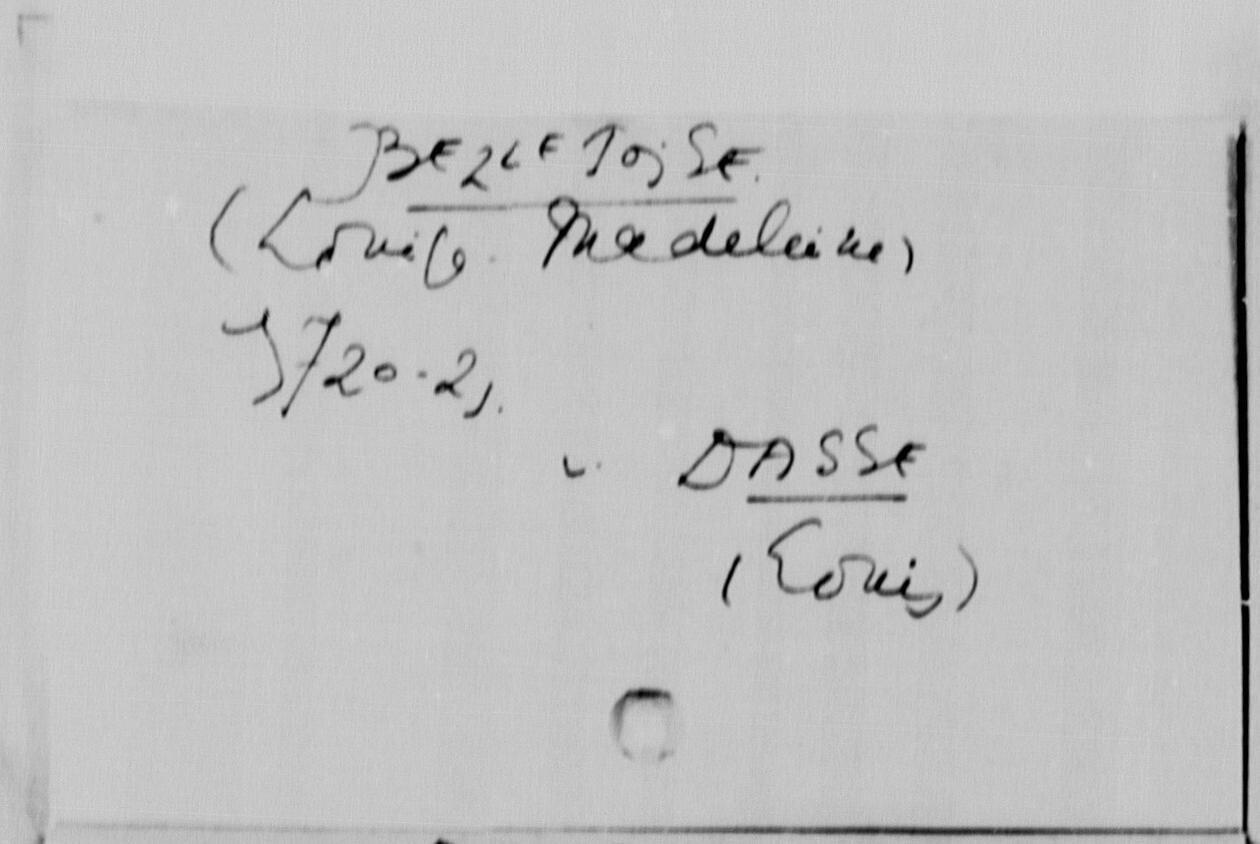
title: BELLETOISE (Louis-Madeleine)
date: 1720-1721
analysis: Voir DASSE (Louis)
